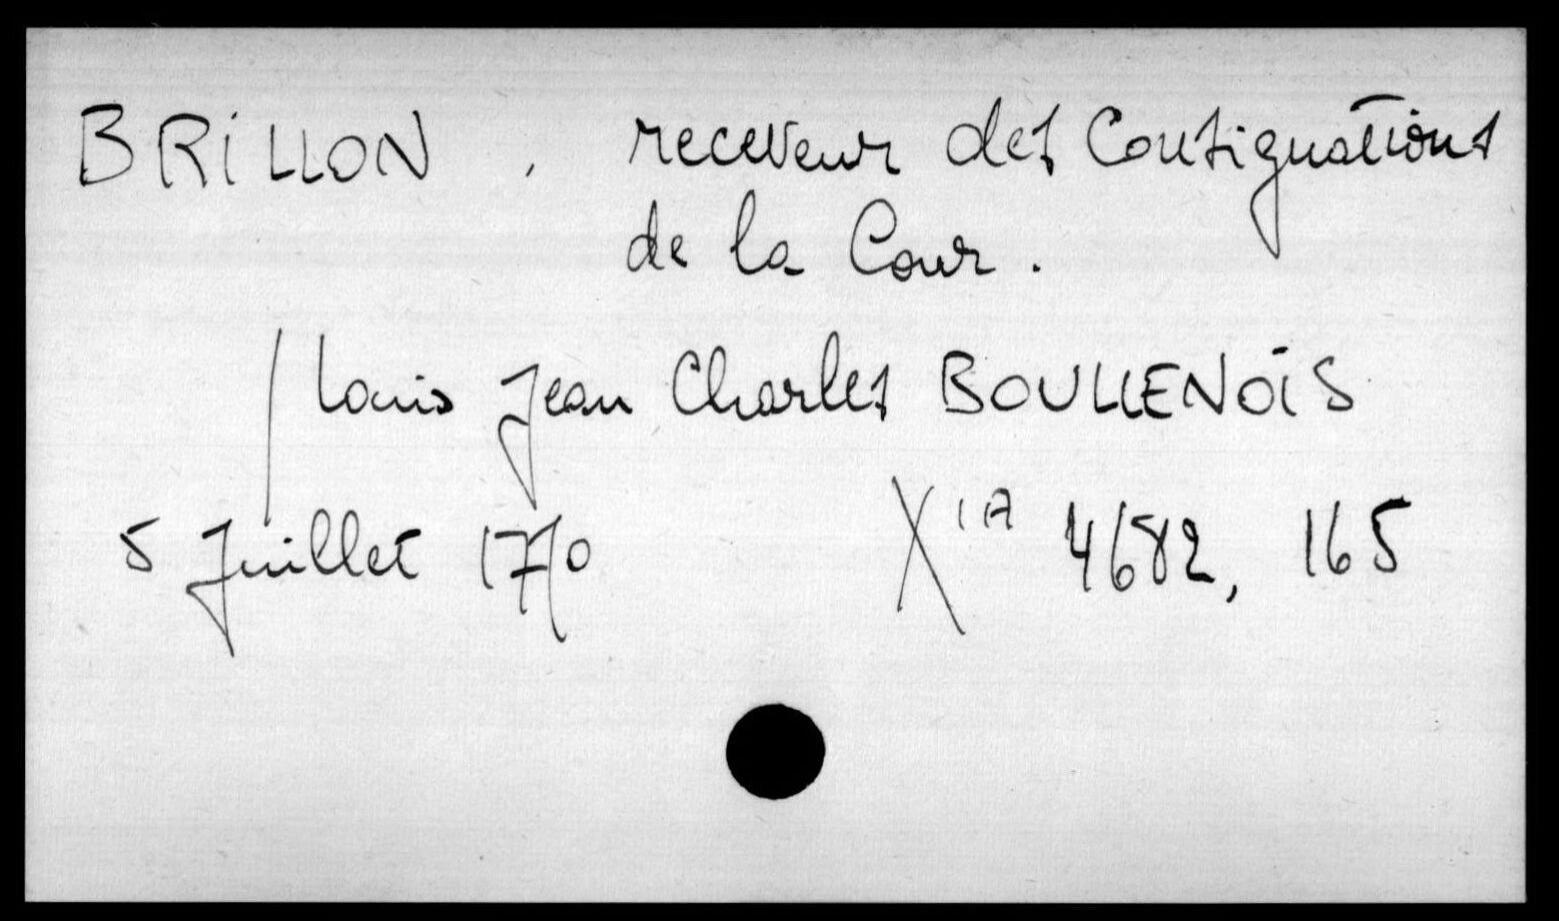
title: BRILLON, receveur des consignations de la Cour.
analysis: Contre Louis Jean Charles BOULLENOIS
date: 5 juillet 1770
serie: X1A
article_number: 4682
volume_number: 165
